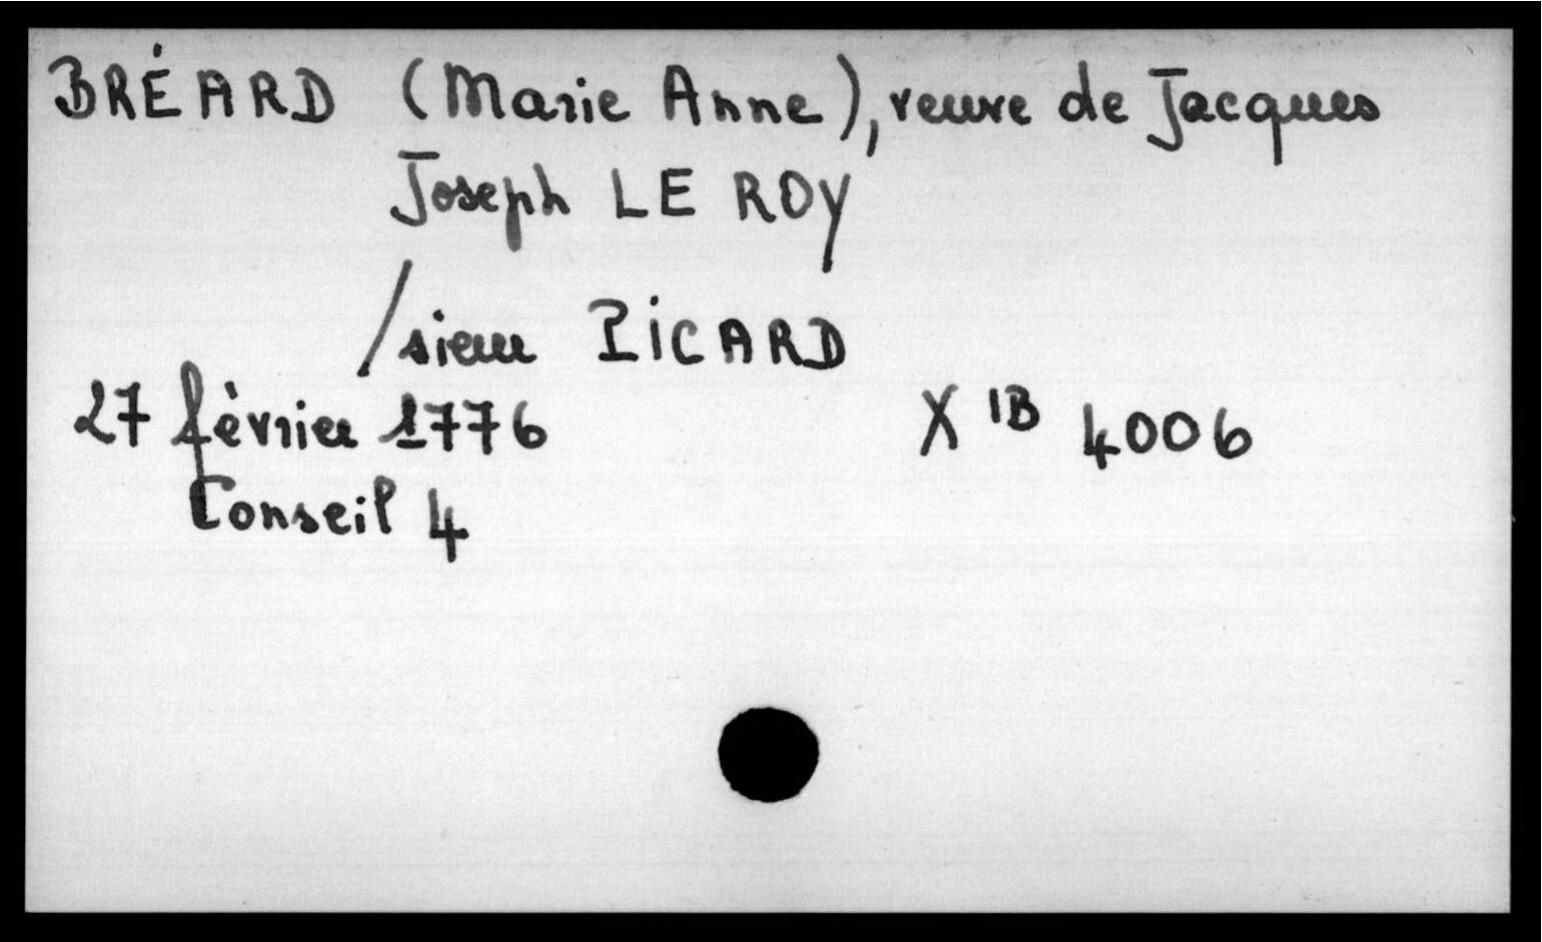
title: BRÉARD (Marie Anne), Veuve de Jacques Joseph LE ROY
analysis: Contre sieur PICARD
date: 27 février 1776
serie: X1B
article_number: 4006
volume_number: Conseil 4
